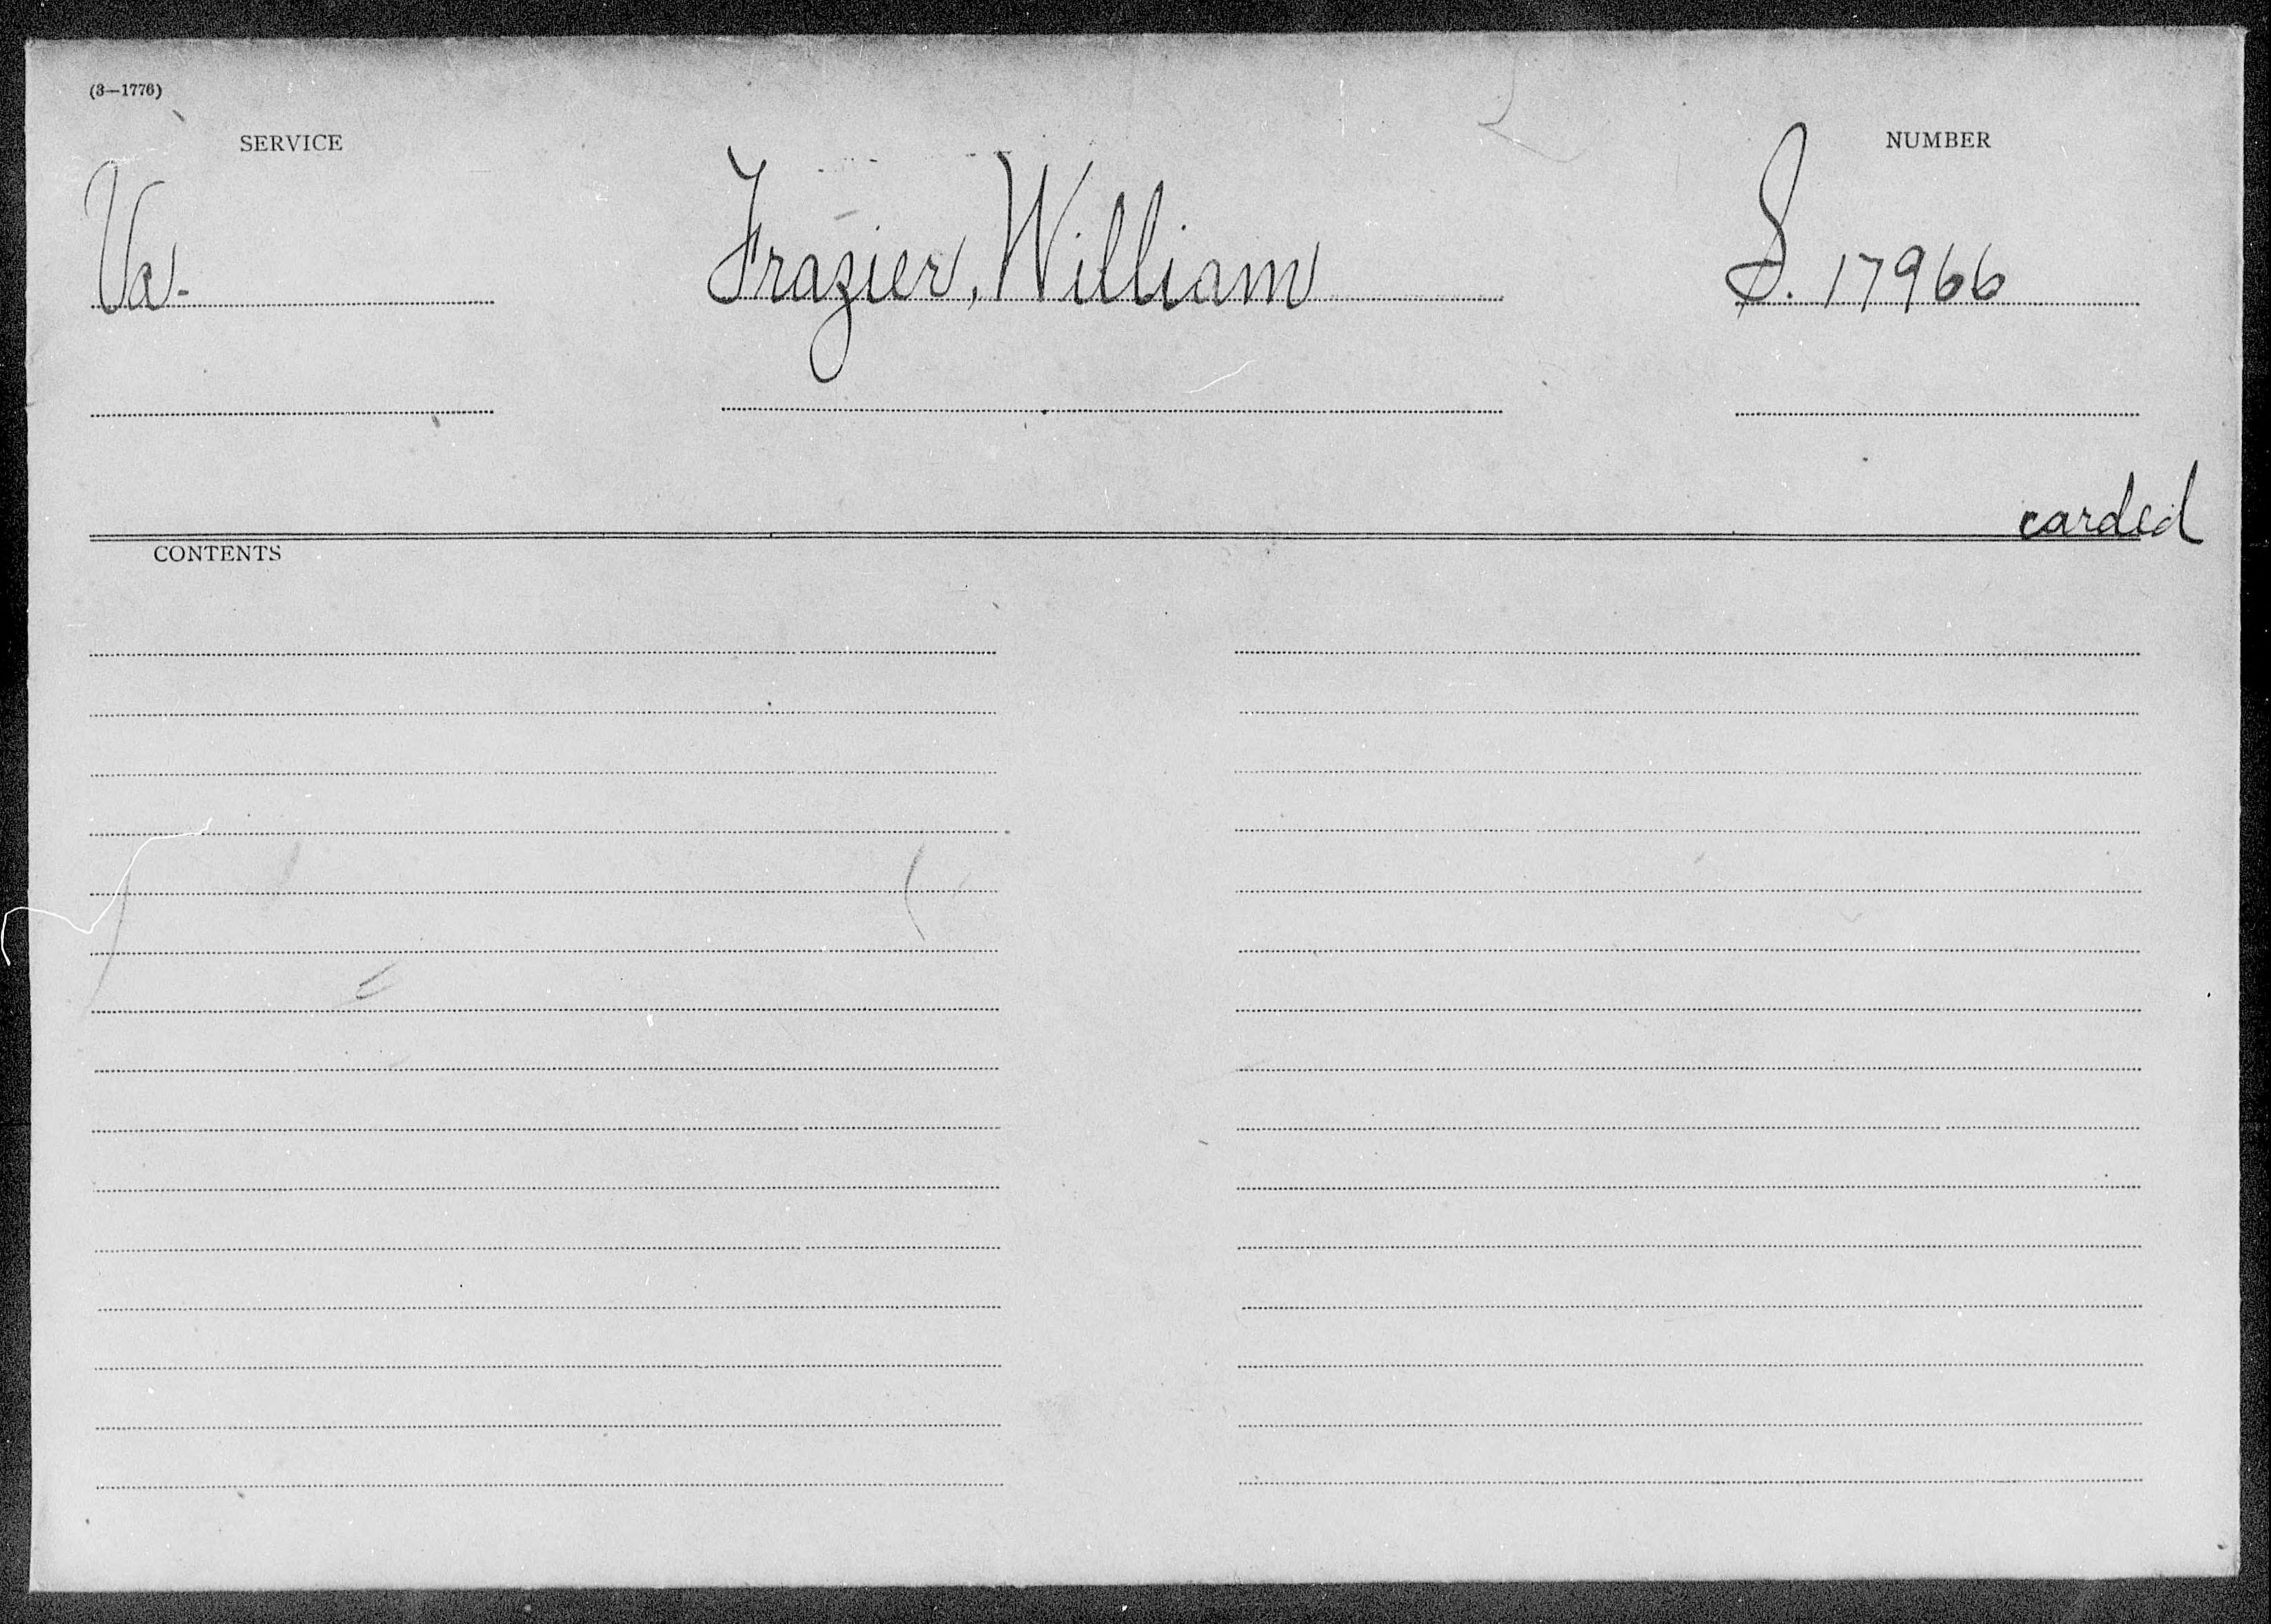(3-1776) 
SERVICE 
Va. 
Frazier, William 
NUMBER 
S. 17966 
carded 
CONTENTS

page: 1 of 13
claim: survivor's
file: S. 17966, William Frazier, Va.